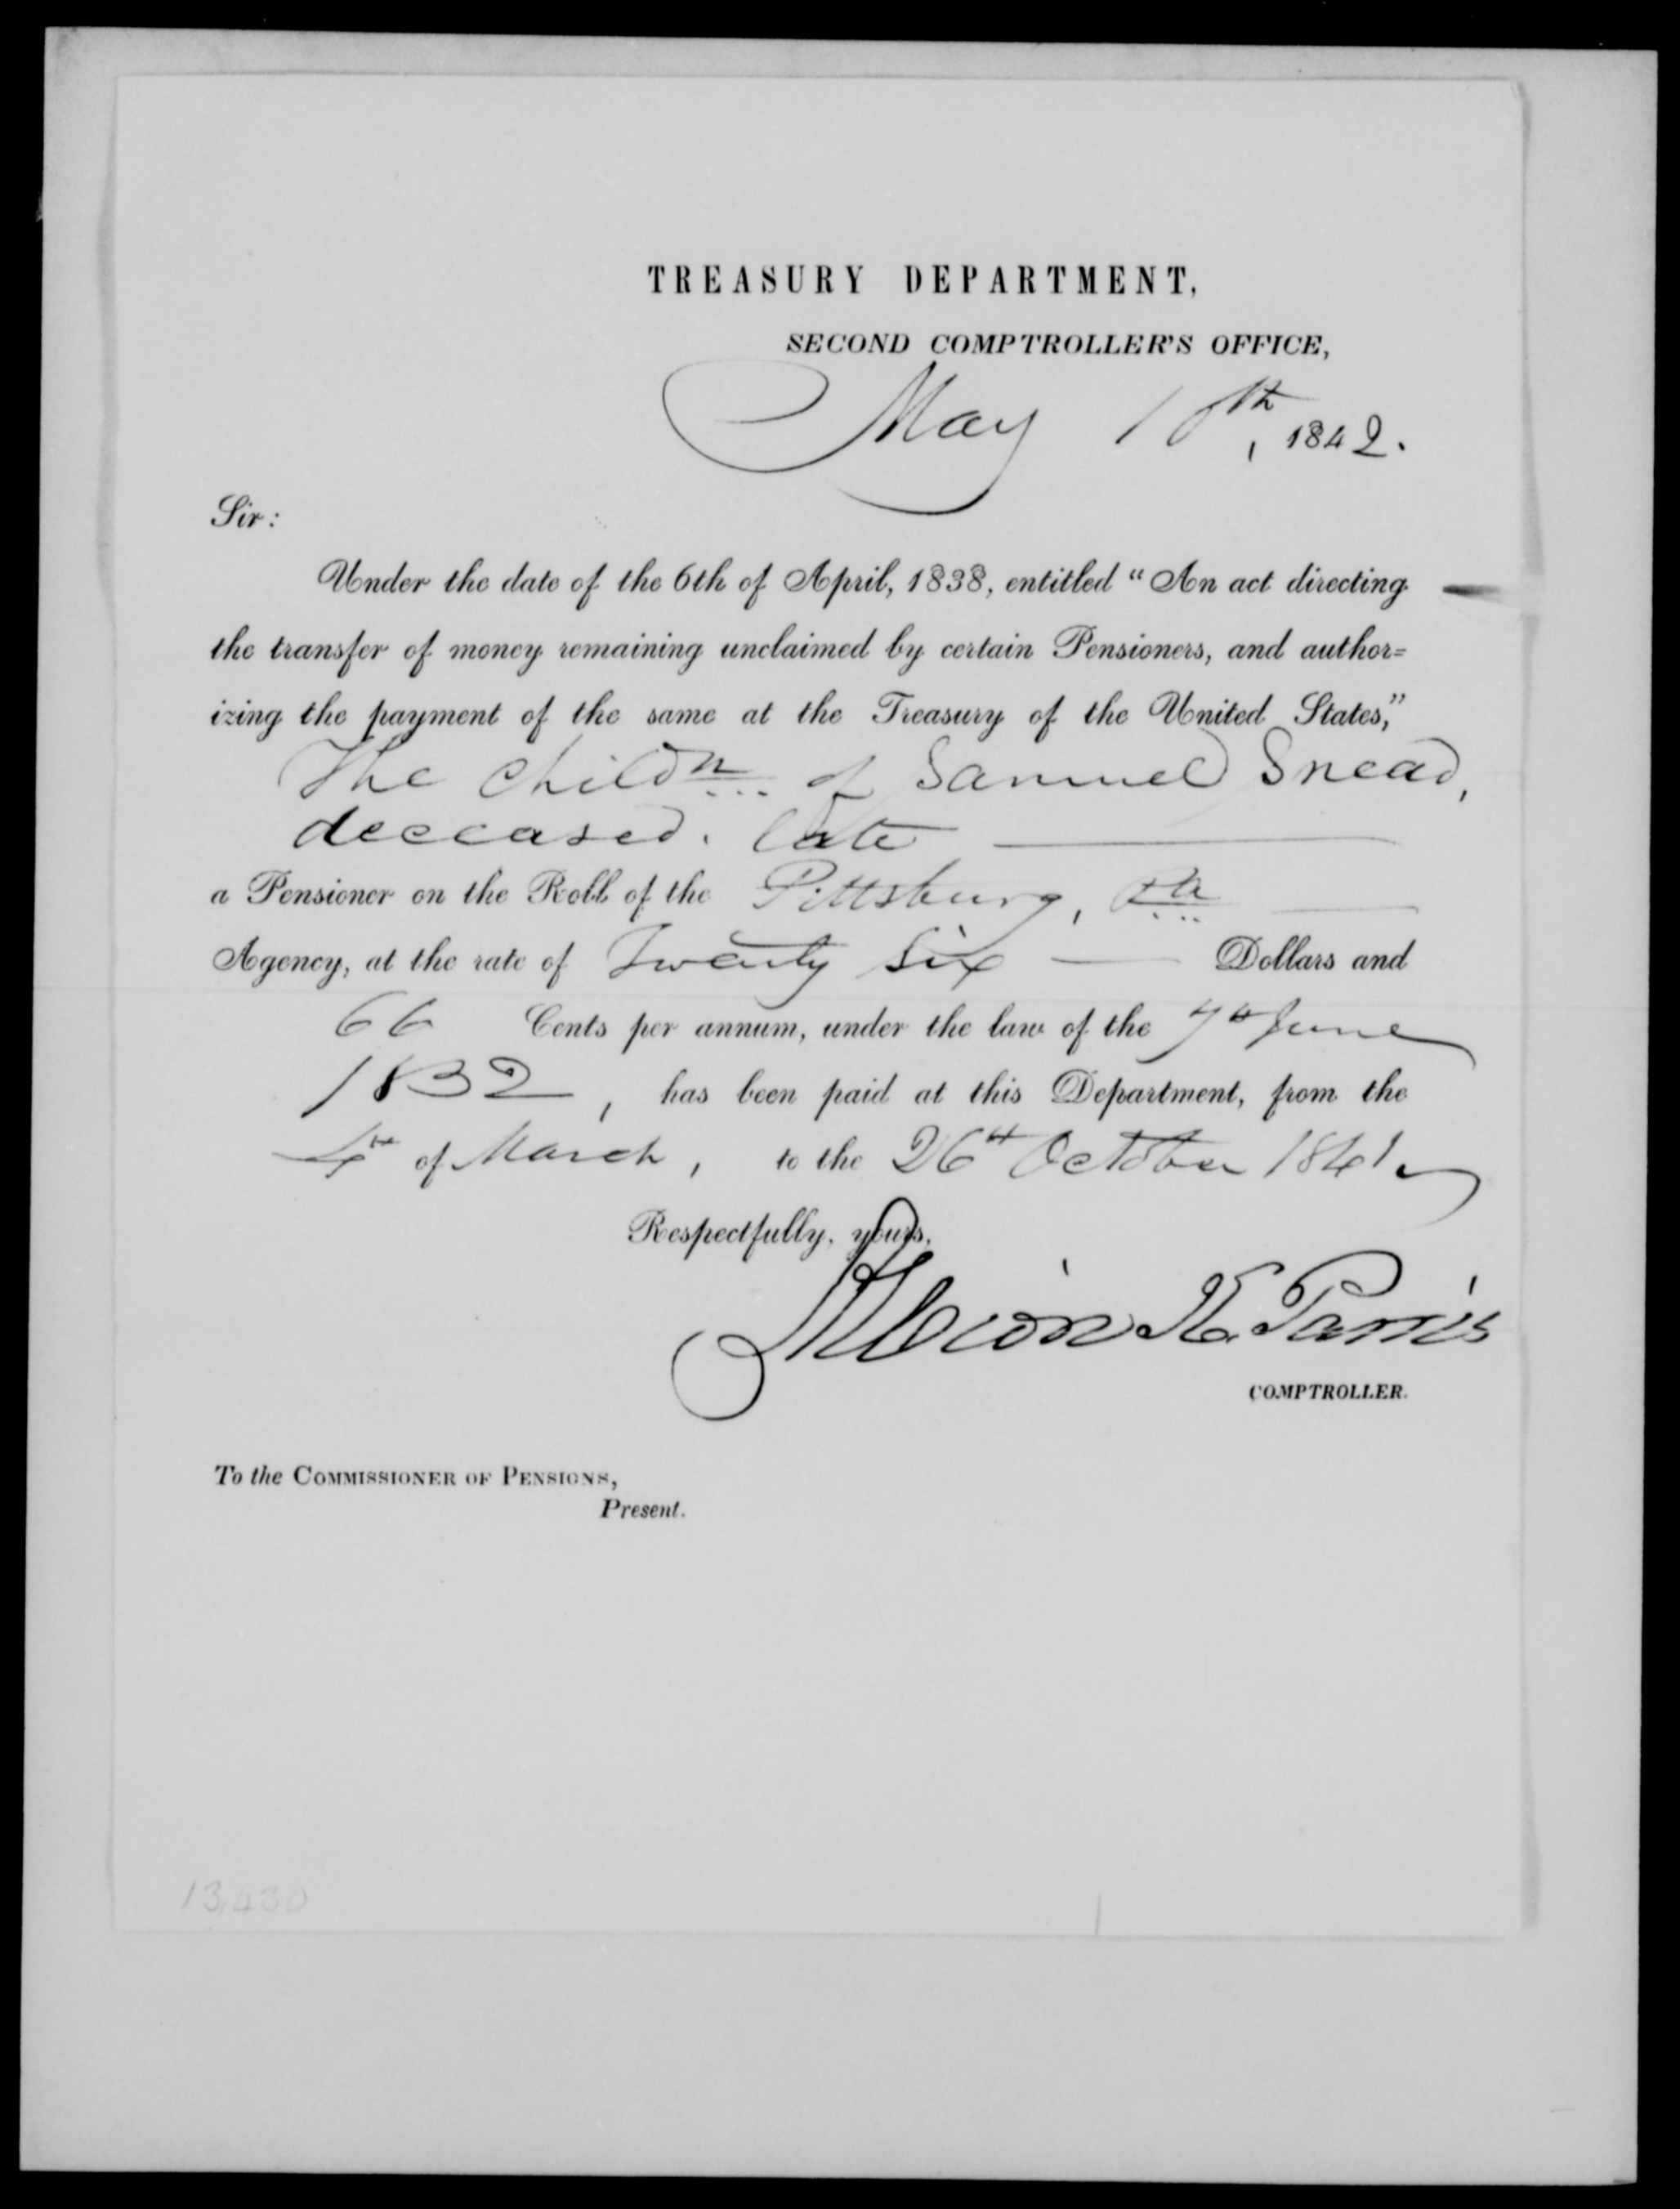TREASURY DEPARTMENT. SECOND COMPTROLLER'S OFFICE. 
May 10th, 1842. 

Sir:
Under the date of the 6th of April, 1838, entitled "An act directing the transfer of money remaining unclaimed by certain Pensioners, and authorizing the payment of the same at the Treasury of the United States," The children of Samuel Snead deceased, late a Pensioner on the Roll of the Pittsburg, Pa Agency, at the rate of Twenty Six - Dollars and Cents per annum, under the law of the 7th June 1832, has been paid at this Department, from the 4th of March, to the 26th October 1841 
Respectfully yours
Albion K. Parris 

COMPTROLLER. To the COMMISSIONER OF PENSIONS, 13.430 Present.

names: Samuel Snead; Albion K Parris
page: 9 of 18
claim: survivor's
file: S. 18,605, for Samuel Smead, Massachusetts